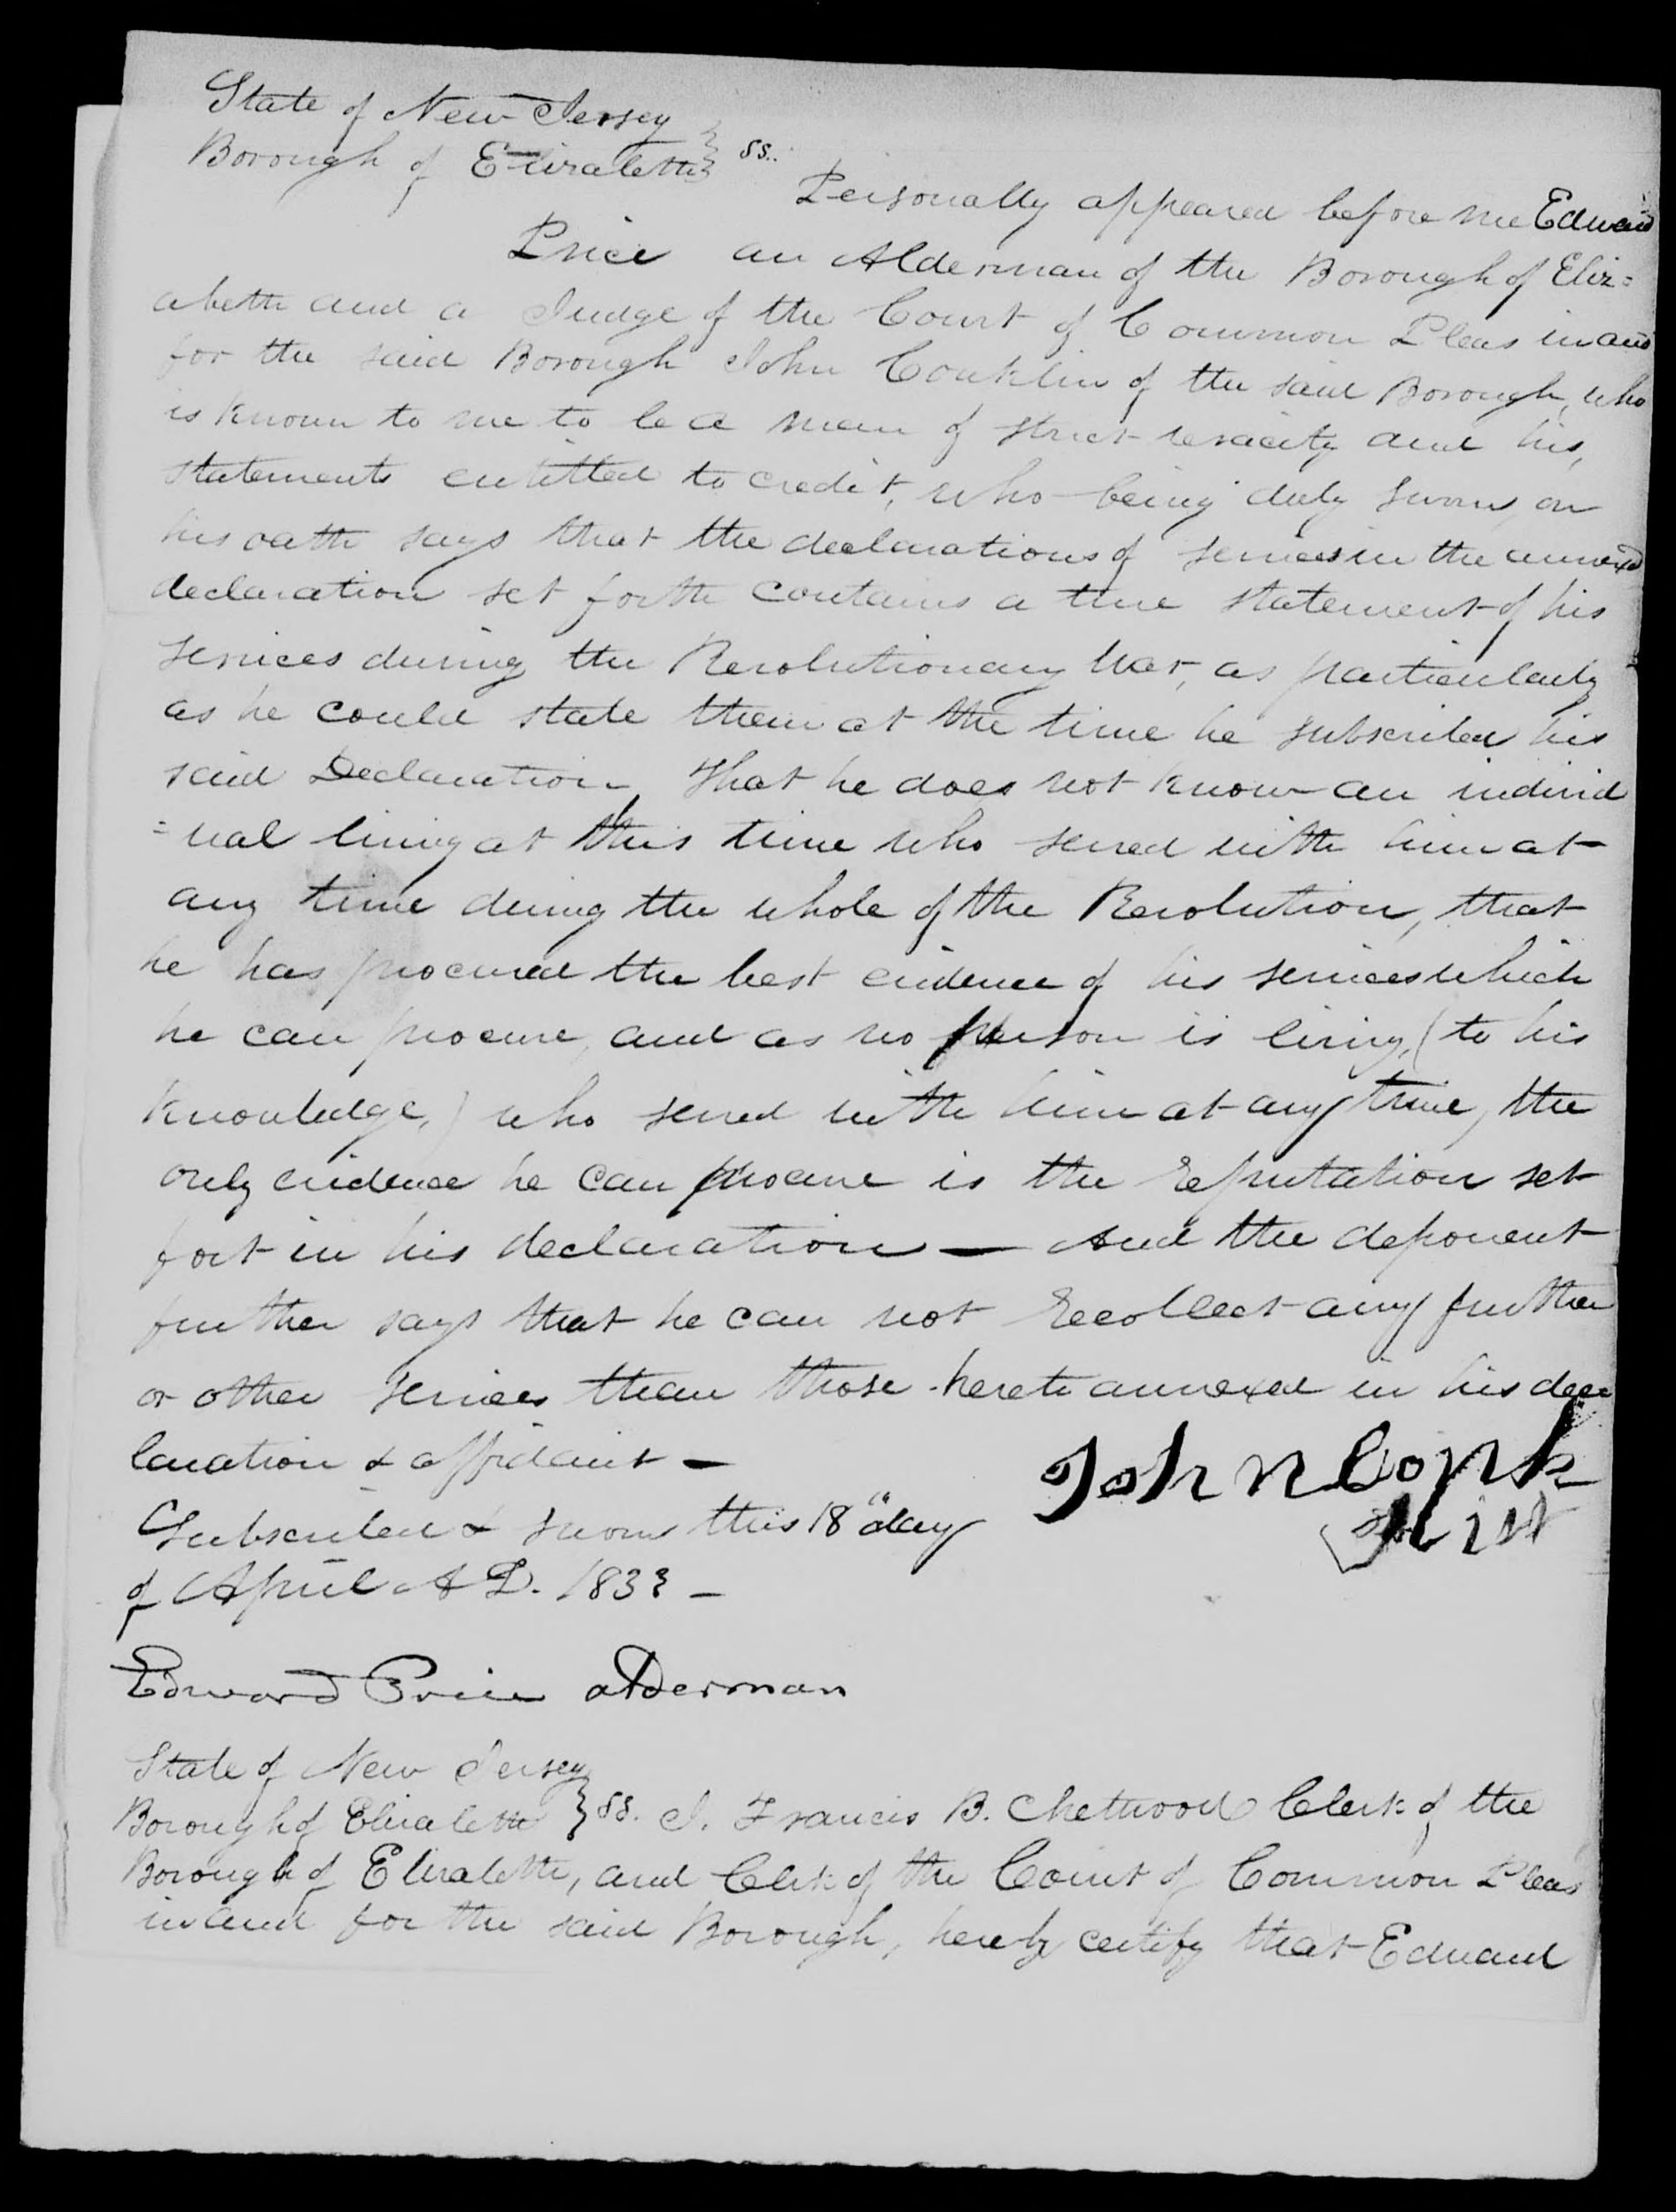State of New Jersey
Borough of Elizabeth } ss
Personally appeared before me Edward
Price an Alderman of the Borough of Elizabeth 
and a Judge of the Court of Common Pleas in and
for the said Borough John Conklin of the said Borough, who 
is known to me to be a man of strict veracity and his
statements entitled to credit, who being duly sworn on
his oath says that the declaration of service in the annexed
declaration set forth contains a true statement of his
services during the Revolutionary War, as particularly
as he could state them at the time he subscribed his
said Declaration, that he does not know an individual
being at this time who served with him at
any time during the whole of the Revolution, that
she has procured the best evidence of his services which
he can procure and as no person is living (to his
knowledge), who served with him at any time the
only evidence he can procure is the reputation set
fort in his declaration - And the deponent
further says that he can not recollect any further
or other services than those hereto annexed in his 
declaration & affidavit-
s/ John Conklin

Subscribed & sworn this 18th day 
of April AD. 1833-
s/ Edward Price alderman

State of New Jersey
Borough of Elizabeth ⎬ SS. I, Francis B. Chetwood Clerk of the
Borough of Elizabeth, and Clerk of the Court of Common Pleas
in and for the said Borough, hereby certify that Edward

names: Edward, Francis B Chetwood, Edward Price, John Conklin, Edward Price, John Conklin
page: 14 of 28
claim: survivor's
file: S 2464, John Conklin, New Jersey